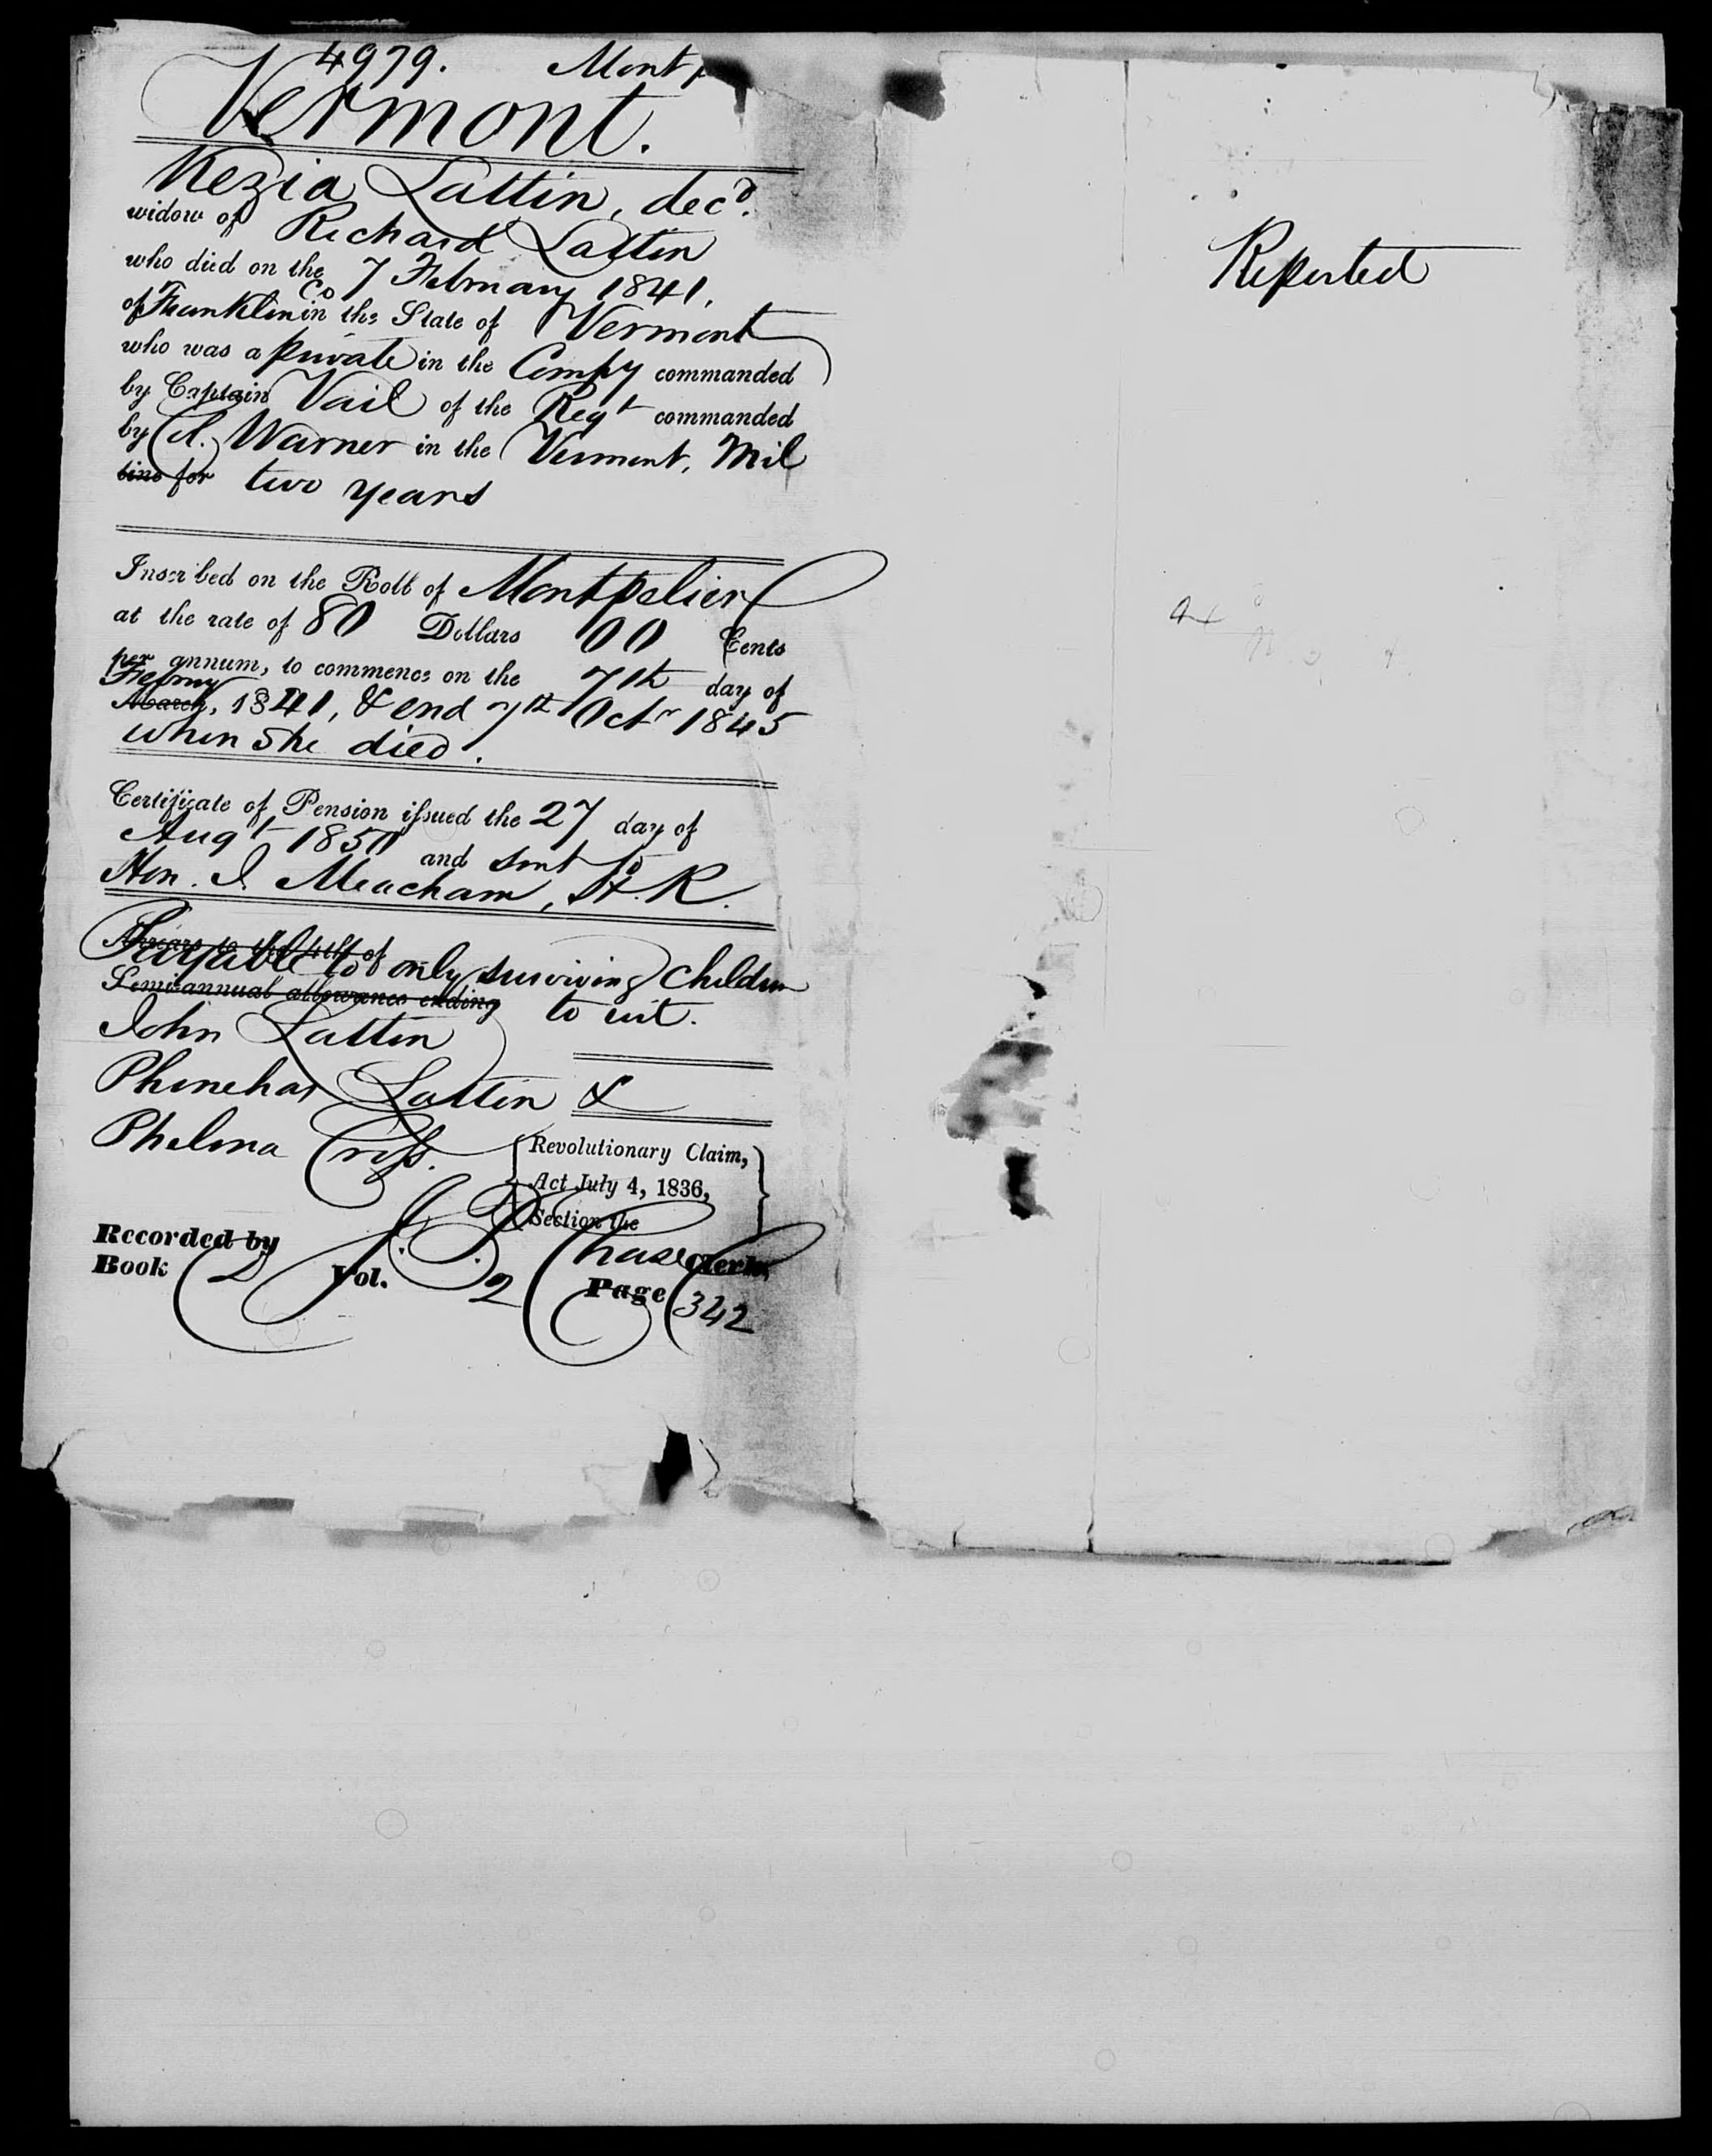4979.
Montpelier
Vermont.
Kezia Lattin, dec’d
widow of Richard Lattin
 who died on the 7 February 1841
of Franklin Co in the State of Vermont
 who was a private in the Compy commanded
Captain Vail of the Regt commanded
 by Col. Warner in the Vermont, Mil
for two years

Inscribed on the Roll of Montpelier
at the rate of 80 Dollars 00 Cents per annum,
 to commence on the 7th day of February, 1841,
 & end 7th Oct’r 1845,  when she died.

Certificate of Pension issued the 27 day of
Aug 1850 and sent to Hon. I Meacham, H.R.

Payable to only surviving children, to wit:

John Lattin
Phinehas Lattin
Phelina Cross

Revolutionary Claim,
Act July 4, 1836.
Section the [blank]

Recorded by J P Chase Clerk,
Book D Vol. 2  Page 342

Reported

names: Phelina Cross; [BLANK] Warner; [BLANK] Vail; Richard Lattin; John Lattin; Phinehas Lattin; Kezia Lattin; J Meacham; J P Chase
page: 3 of 99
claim: widow's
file: W. 24,482, for Richard Lattin, Vermont